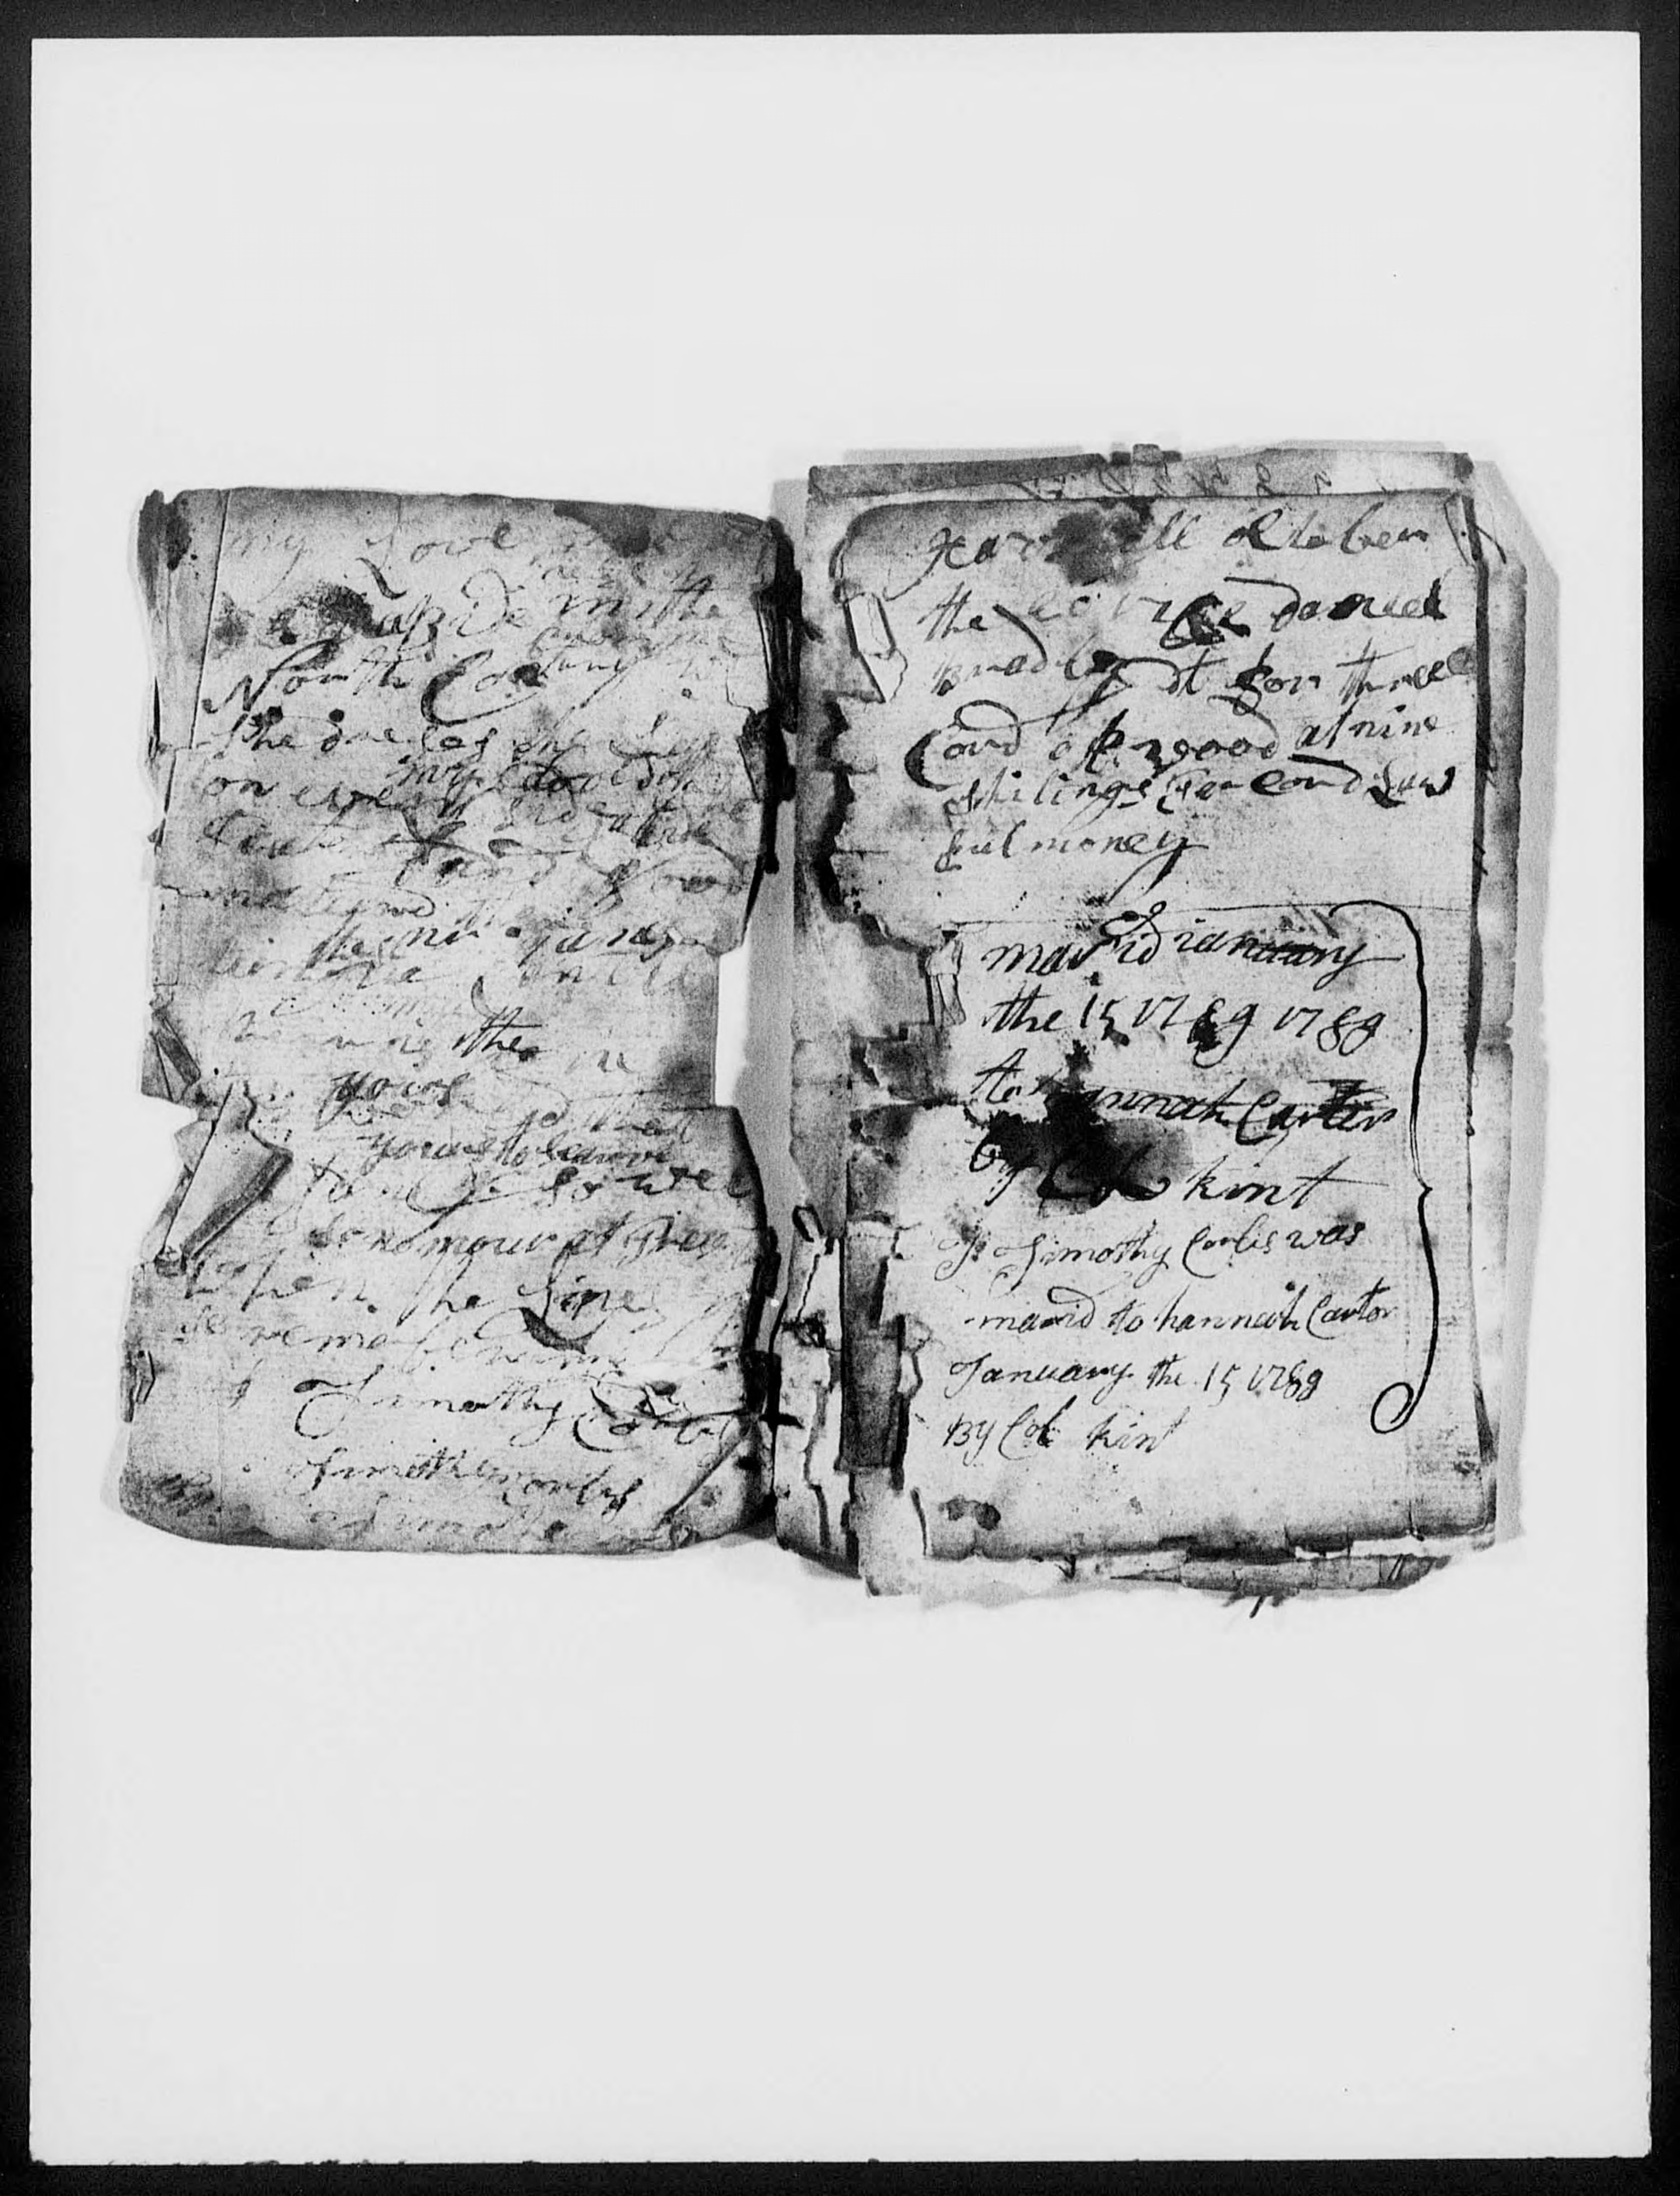[Left side of image has only a few scattered legible words, and transcription is not possible]

[Right side top area is illegible]
Married January the 25th 1789 1789 to Hannah Carter [illegible] [illegible] to Timothy Corliss was married to Hannah Carter
January the 15 1789 by Cob Kint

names: Hannah Carter, Kint, Timothy Corless, Kint, Timothy Corles, Hannah Carter, Timothy Corless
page: 11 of 34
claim: widow's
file: W. 20,896, Timothy Corless, Continental Mass